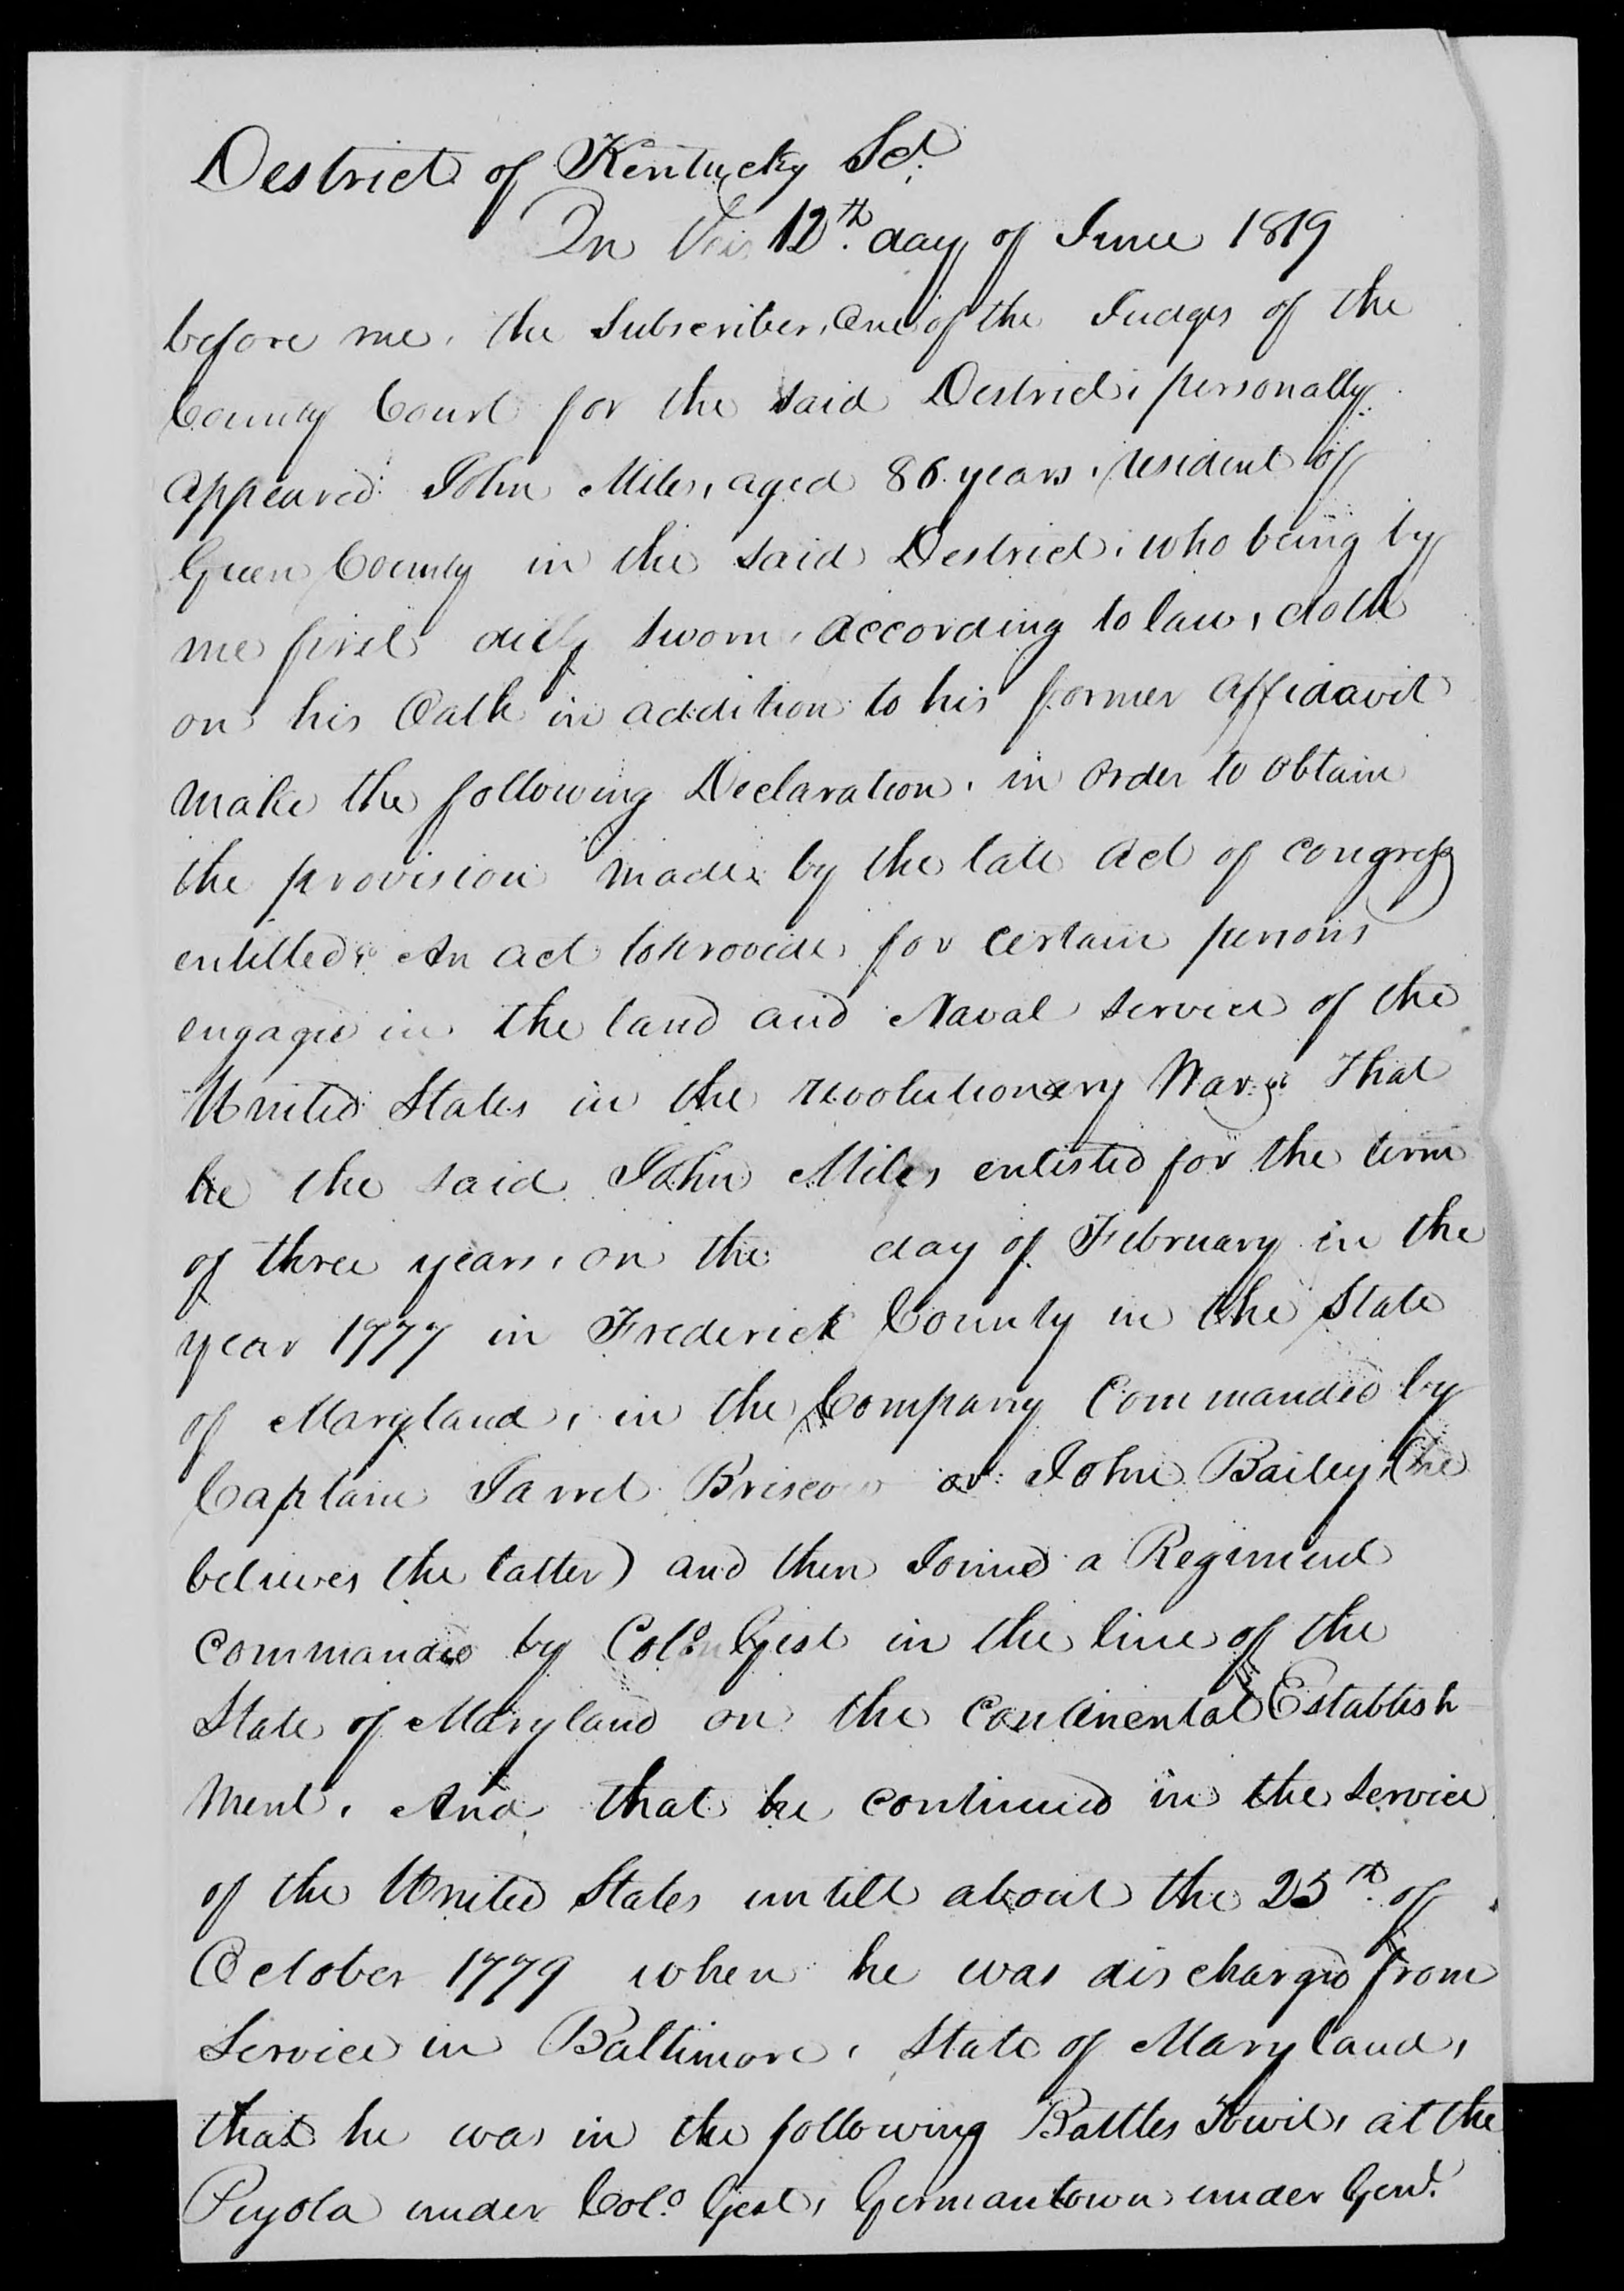District of Kentucky Sct
On this 12th day of June 1819 before me. The Subscriber, one of the Judges of the County Court for the said District personally appeared John Miles aged 86 years resident of Green County in the said District who being by me first duly sworn according to law, doth on his oath in addition to his former affidavit make the following Declaration in order to obtain the provision made by the late act of congress entitled An act [illegible] for certain pensions engaged in the land and naval service of the United States in the Revolutionary War that be the said John Miles enlisted for the term of three years on the day of February in the year 1777 in Frederick County in the State of Maryland, in the Company Commanded by Captain Jarret Briscow or John Bailey[he believes the latter] and then joined a Regiment Commanded by Col. Gist in the line of the State of Maryland on the Continental Establishment. And that he continued in the Service of the United States until about the 25th of October 1779 when he was discharged from Service in Baltimore State of Maryland, that he was in the following Battles [?}  at the Peyola under Col. Gist, Germantown under Genl.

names: [BLANK] Gist; John Bailey; John Miles; Jarret Briscow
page: 7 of 24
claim: survivor's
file: S 36138, for John Miles, Maryland